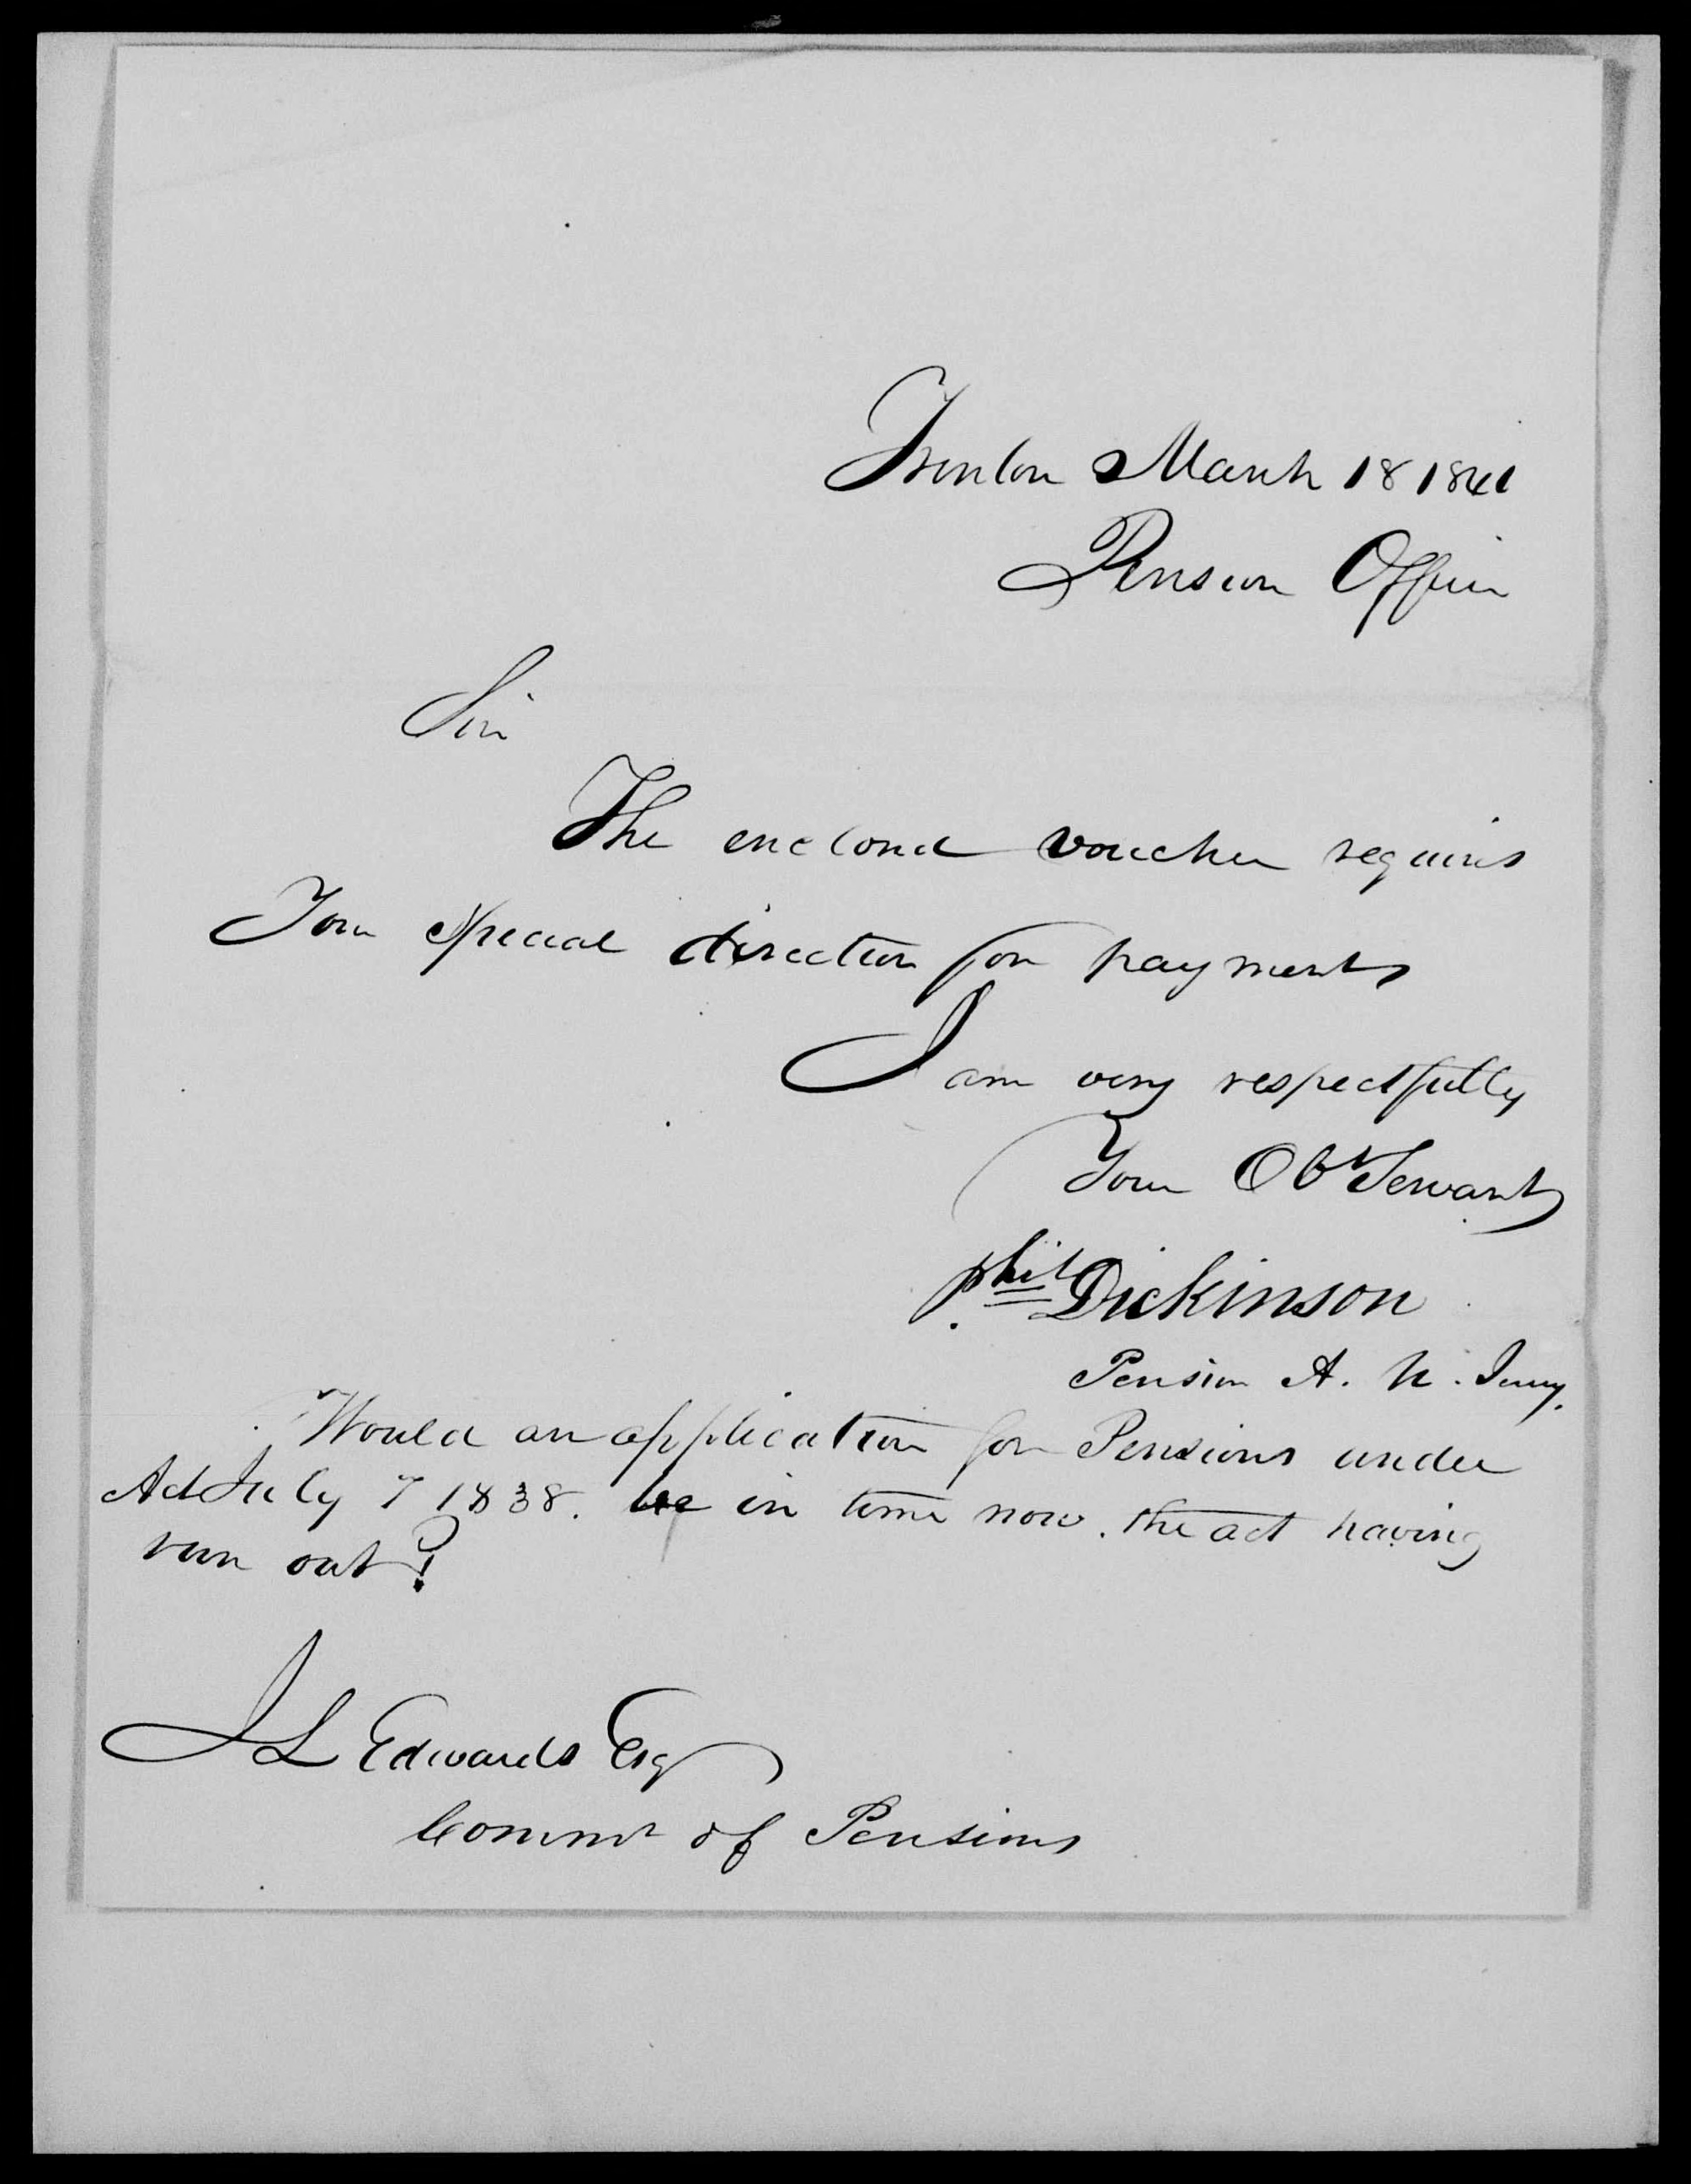Trenton
March 18 1841
Pension Office

Sir

The enclosed voucher requires your special direction for payments

I am very respectfully
Your Obt. Servant

Phil Dickinson
Pension A. N. Jersey

Would an application for Pensions under Act July 7 1838 be in time now the act having runt out!

J.L. Edwards Esq.
Comms. of Pensions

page: 22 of 33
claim: widow's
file: W. 5,665, for Stelle F Randolph, New Jersey